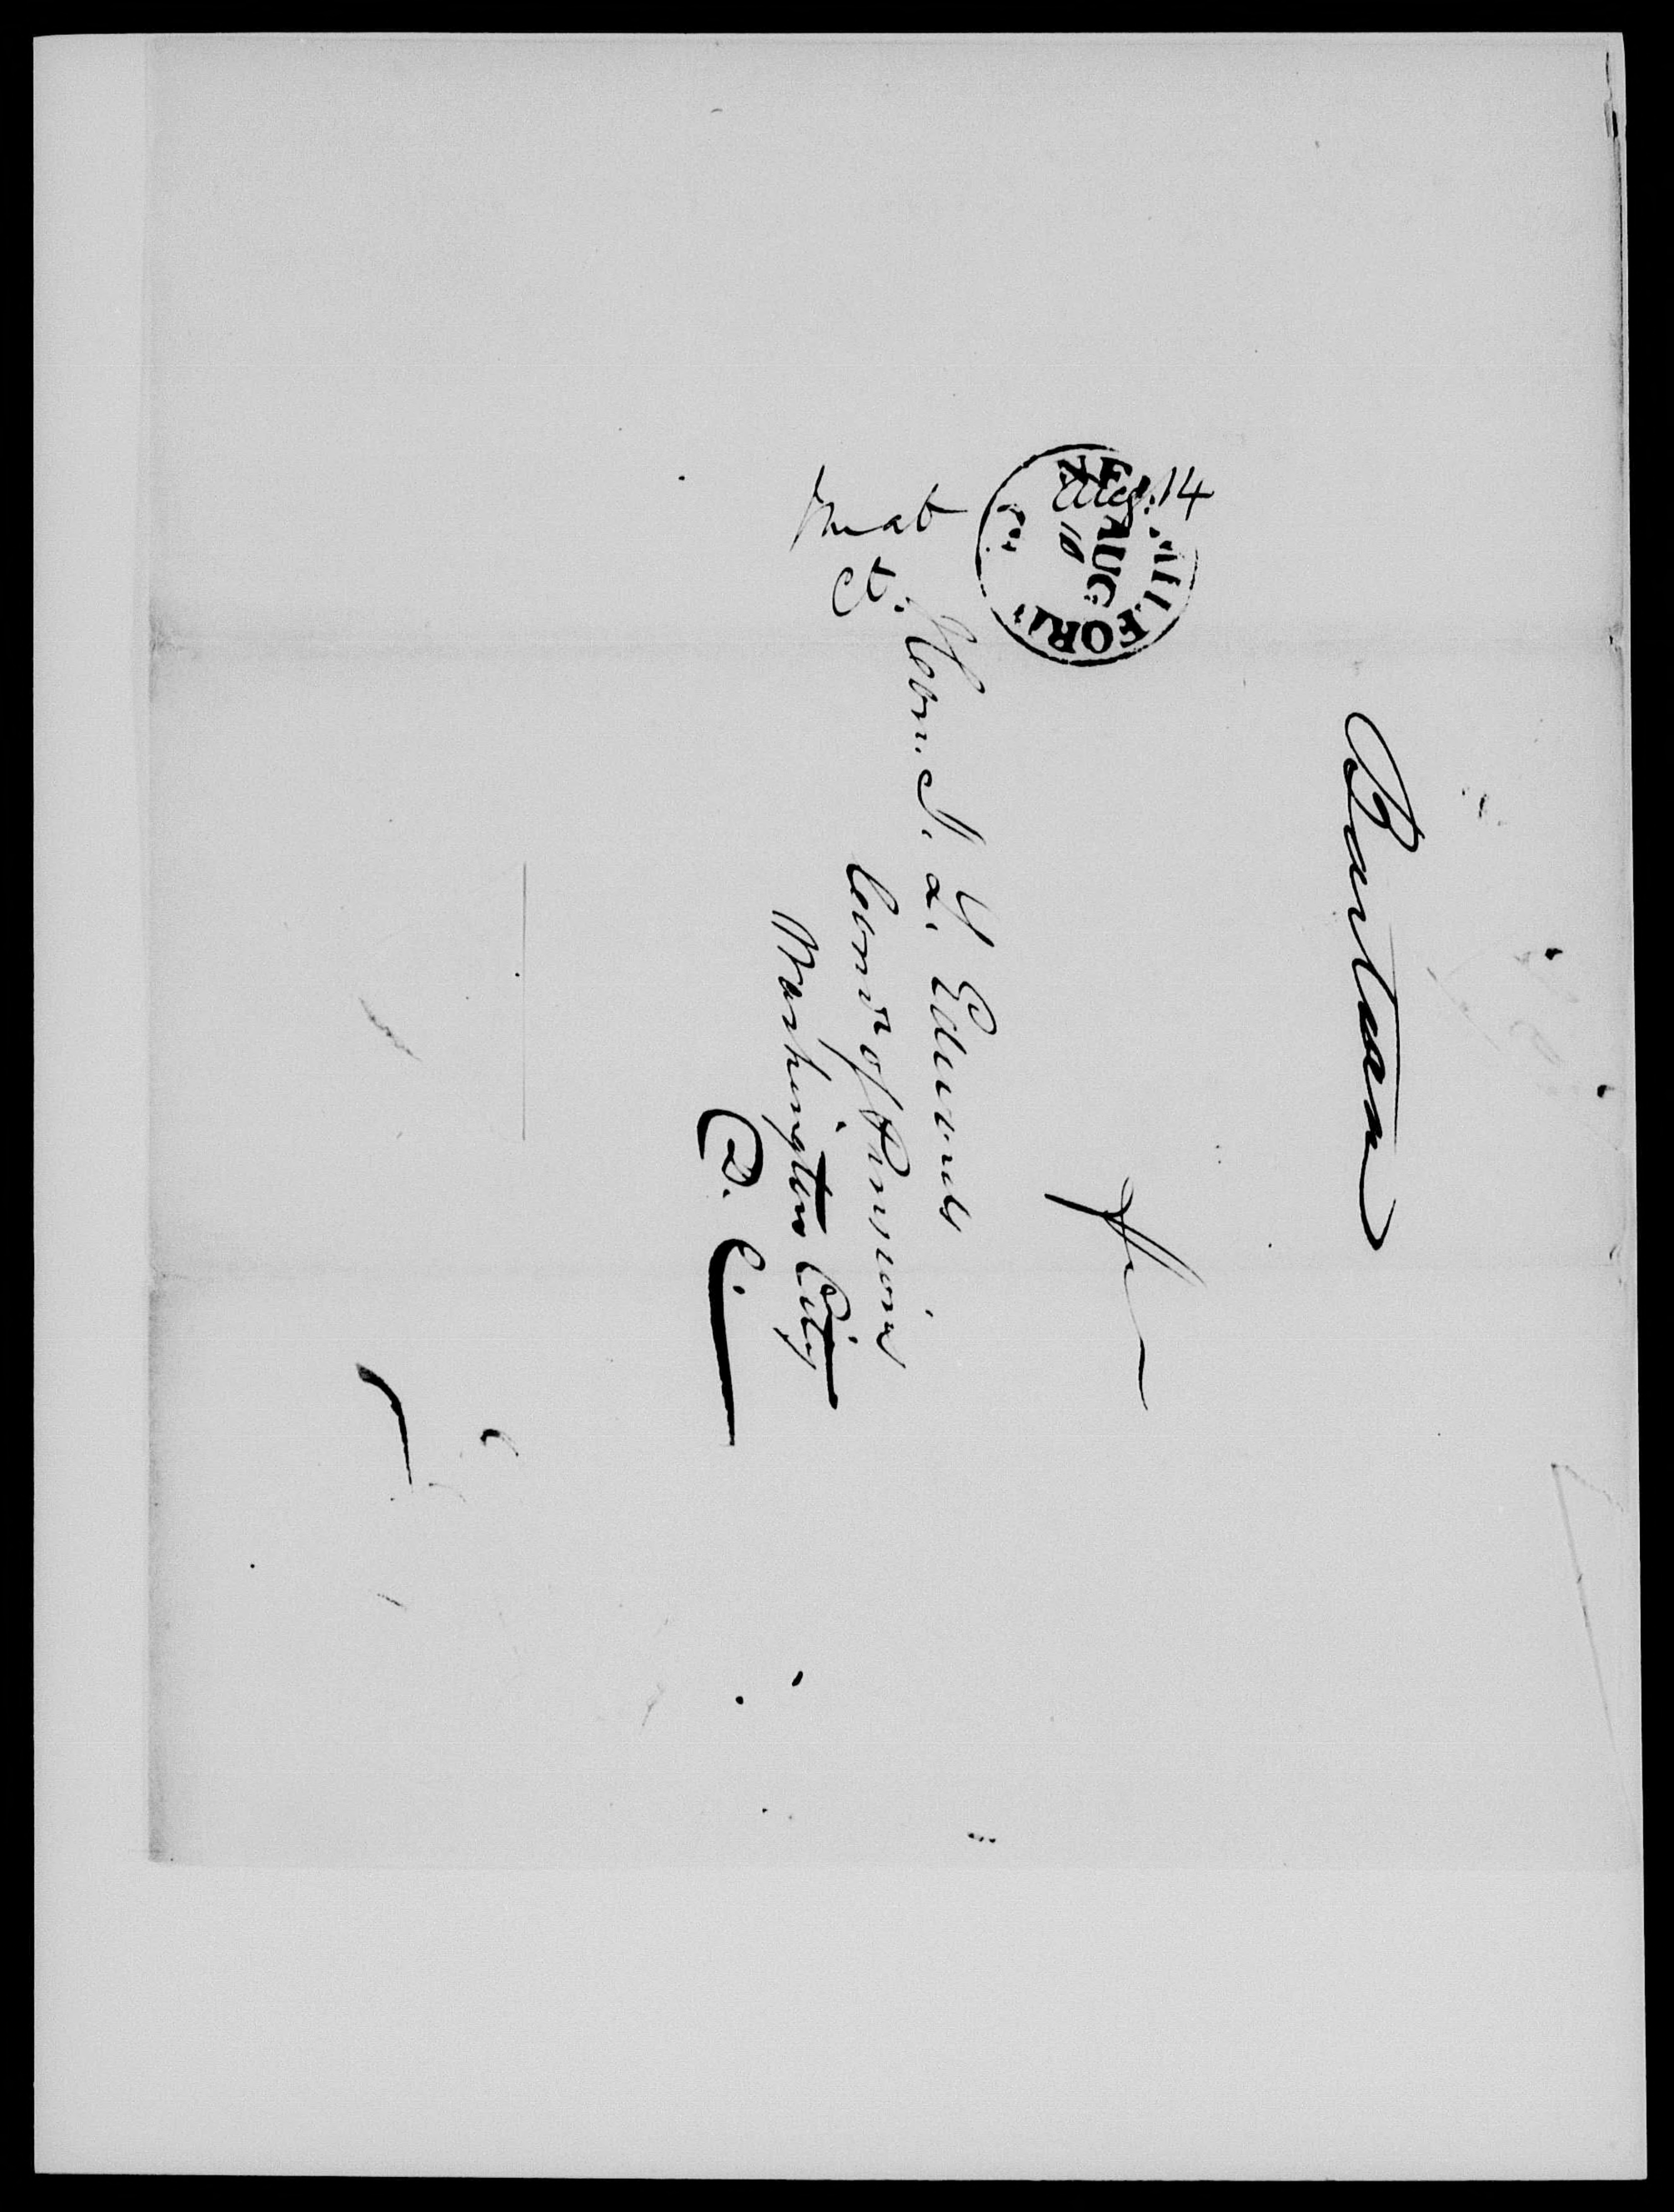[illegible] Aug 14
CT
[stamped] New Milford
Aug 10

Bartram

Ho, J. L. Edwards
Comr of Pensions
Washington City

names: J L Edwards, Bartram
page: 24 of 39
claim: survivor's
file: S. 12110, Isaac Bartram, Continental (Conn)